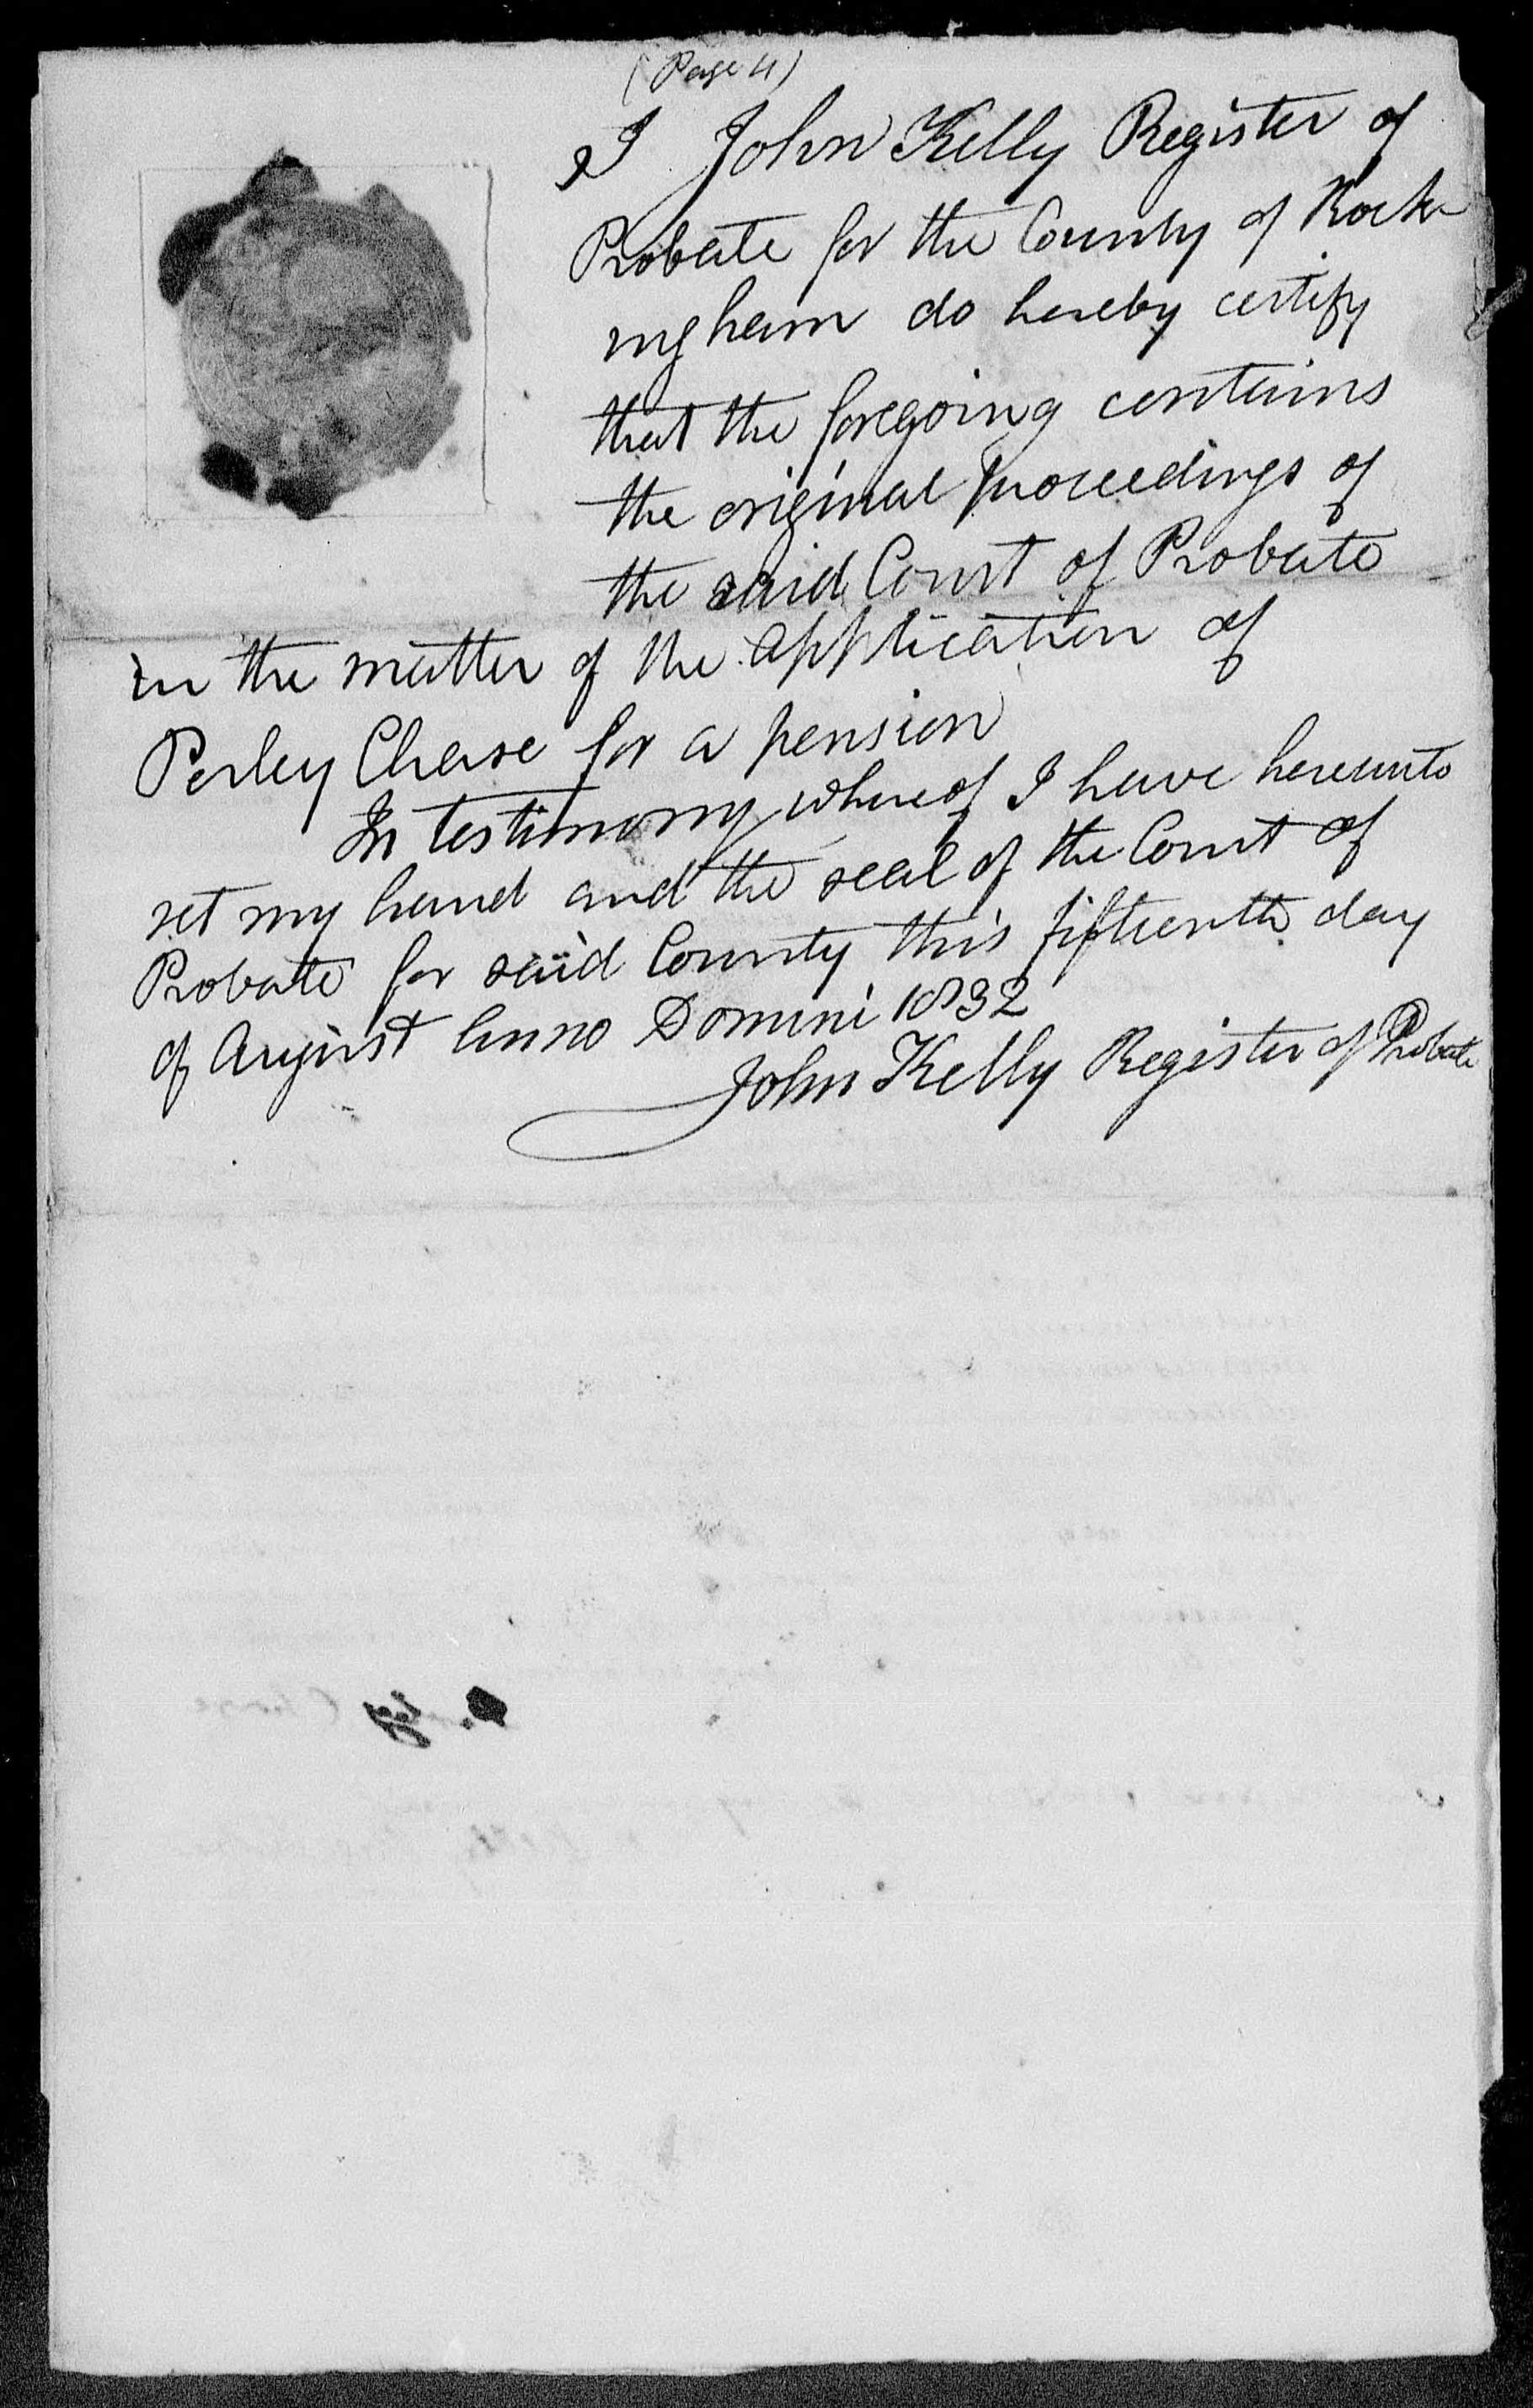(Page 4)
I John Kelly Register of Probate for the County of Rockingham do hereby certify that the foregoing contains the original proceedings of the said Court of Probation in the matter of the application of Perley Chase for a pension
In testimony whereof I have hereunto set my hand and the seal of the Court of Probate for said County this fifteenth day of August Anno Domini 1832
John Kelly Register of Probate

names: John Kelly, Perley Chase, John Kelly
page: 3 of 24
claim: survivor's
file: S. 17879, Perley Chase, Continental Mass.